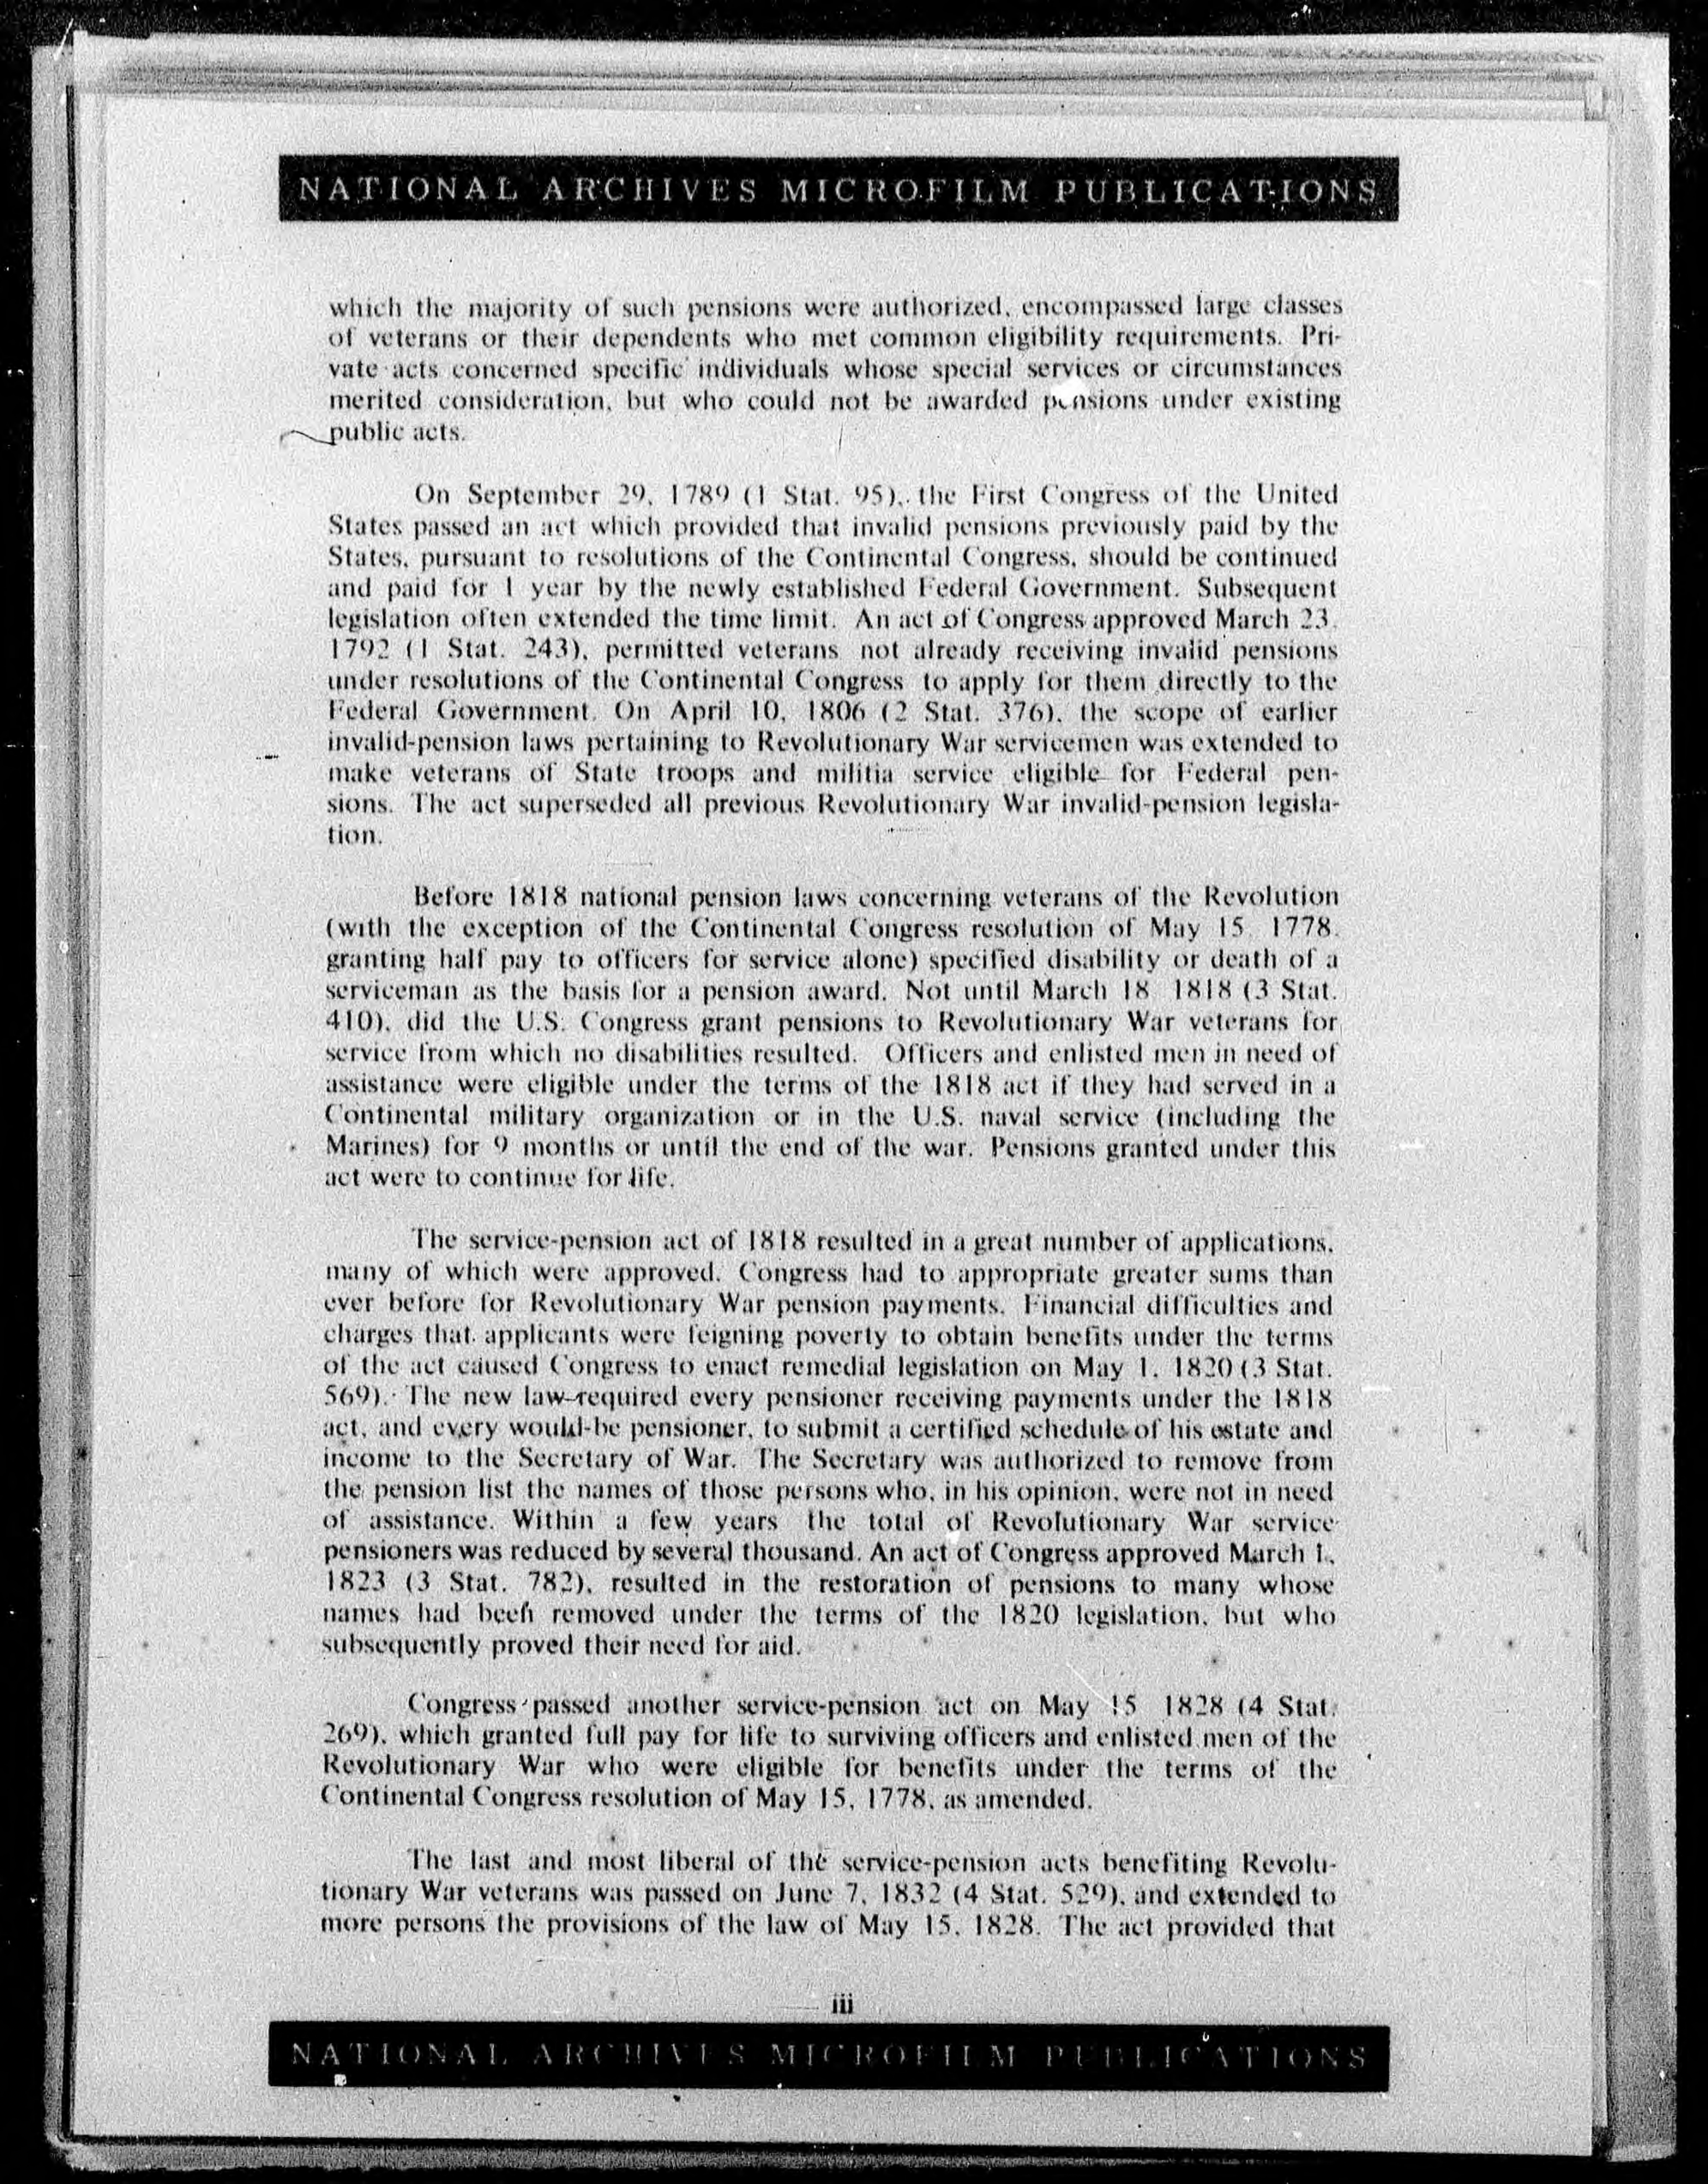which the majority of such pensions were authorized, encompassed large classes of veterans or their dependents who met common eligibility requirements. Private acts concerned specific individuals whose special services or circumstances merited consideration, but who could not be awarded pensions under existing public acts. 

On September 29, 1789 (1 Stat. 95), the First Congress of the United States passed an act which provided that invalid pensions previously paid by the States, pursuant to resolutions of the Continental Congress, should be continued and paid for 1 year by the newly established  Federal Government. Subsequent legislation often extended the time limit. An act of Congress approved March 23, 1792 (1. Stat. 243), permitted veterans not already receiving invalid pensions under resolutions of the Continental Congress to apply for them directly to the Federal Government. On April 10, 1806 (2 Stat. 376), the scope of earlier invalid-pension laws pertaining to Revolutionary War servicemen was extended to make veterans of State troops and militia service eligible for Federal pensions. The act superseded all previous Revolutionary War invalid-pension legislation.  

Before 1818 national pension laws concerning veterans of the Revolution (with the exception of the Continental Congress resolution of May 15, 1778, granting half pay to officers for service alone) specified disability or death of a serviceman as the basis for a pension award. Not until March 18, 1818 (3 Stat. 410), did the U.S Congress grant pensions to Revolutionary War veterans for service from which no disabilities resulted. Officers and enlisted men in need of assistance in need of assistance were eligible under the terms of the 1818 act if they had served in a Continental military organization or in the U.S naval service (including the Marines) for 9 months or until the end of the war. Pensions granted under this act were to continue for life. 

The service-pension act of 1818 resulted in a great number of applications, many of which were approved. Congress had to appropriate greater sums than ever before for Revolutionary War pension payments. Financial difficulties and charges that applicants were feigning poverty to obtain benefits under the terms of the act caused Congress to enact remedial legislation on May 1, 1820 (3 Stat. 569). The new law-required every pensioner receiving payments under the 1818 act, and every would-be pensioner, to submit a certified schedule of his estate and income to the Secretary of War. The Secretary was authorized to remove from the pension list the names of those persons who, in his opinion, were not in need of assistance. Within a few years the total of Revolutionary War service pensioners was reduced by several thousand. An act of Congress approved March 1, 1823 (3 Stat. 782), resulted in the restoration of pensions to many whose names had been removed under the terms of the 1820 legislation, but who subsequently proved their need for aid. 

Congress passed another service-pension act on May 15, 1828 (4 Stat 269), which granted full pay for life to surviving officers and enlisted men of the Revolutionary War who were eligible for benefits under the terms of the Continental Congress resolution of May 15, 1778, as amended.

The last and most liberal of the service-pension acts benefiting Revolutionary War veterans was passed on June 7, 1832 (4 Stat. 529), and extended to more persons the provisions of the law of May 15, 1828. The act provided that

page: 2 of 59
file: Revolutionary War Pension and Bounty Land Warrant Application File